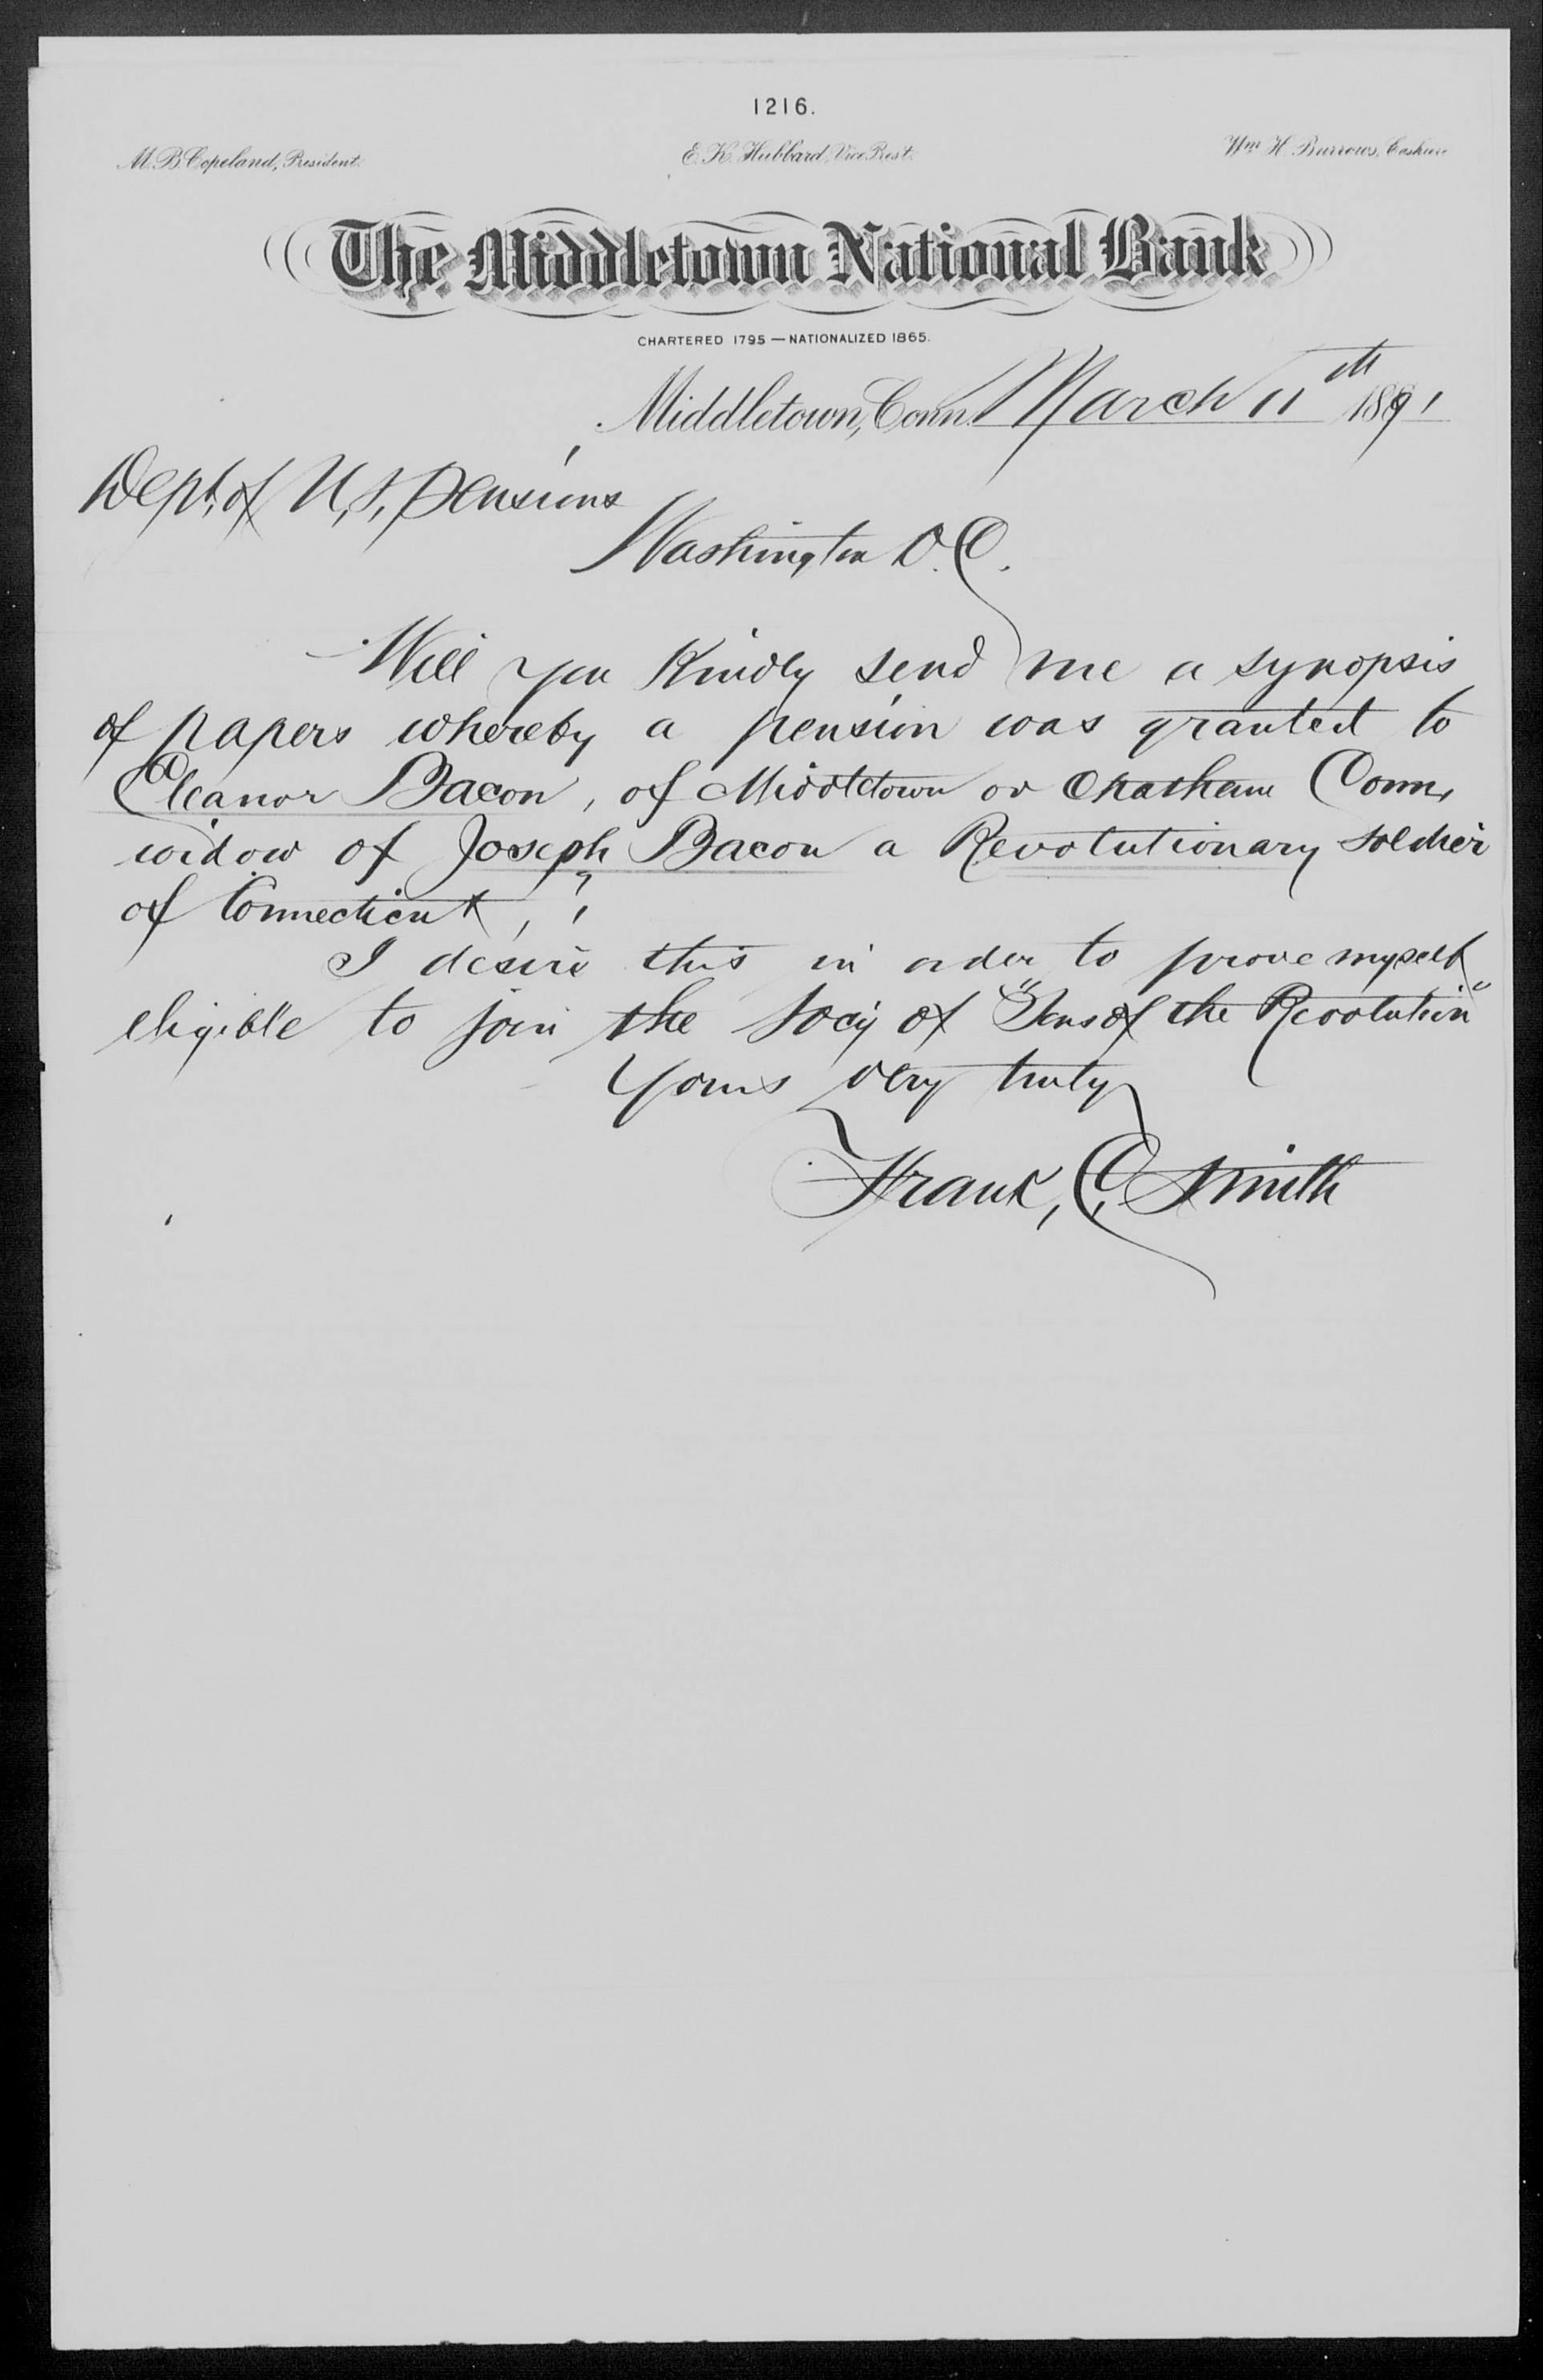1216
M. B. Copeland, President
E. K. Hubbard, Vice President
Wm. H. Burrows, Cashier

THE MIDDLETOWN NATIONAL BANK
Chartered 1795 - Nationalized 1865

Middletown, Conn. March 11th, 1891

Dept. of U. S. Pensions
Washington, D. C. 

Will you kindly send me a synopsis of papers whereby a pension was granted to Eleanor Bacon, of Middletown or Chatham Conn., widow of Joseph Bacon a Revolutionary soldier of Connecticut? 

I desire this in order to prove myself eligible to join the Society of "Sons of the Revolution". 

Yours very truly, 
Frank C. Smith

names: Frank C Smith, Joseph Bacon, Eleanor Bacon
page: 22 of 24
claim: widow's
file: W. 25190, Joseph Bacon, Continental (Conn)